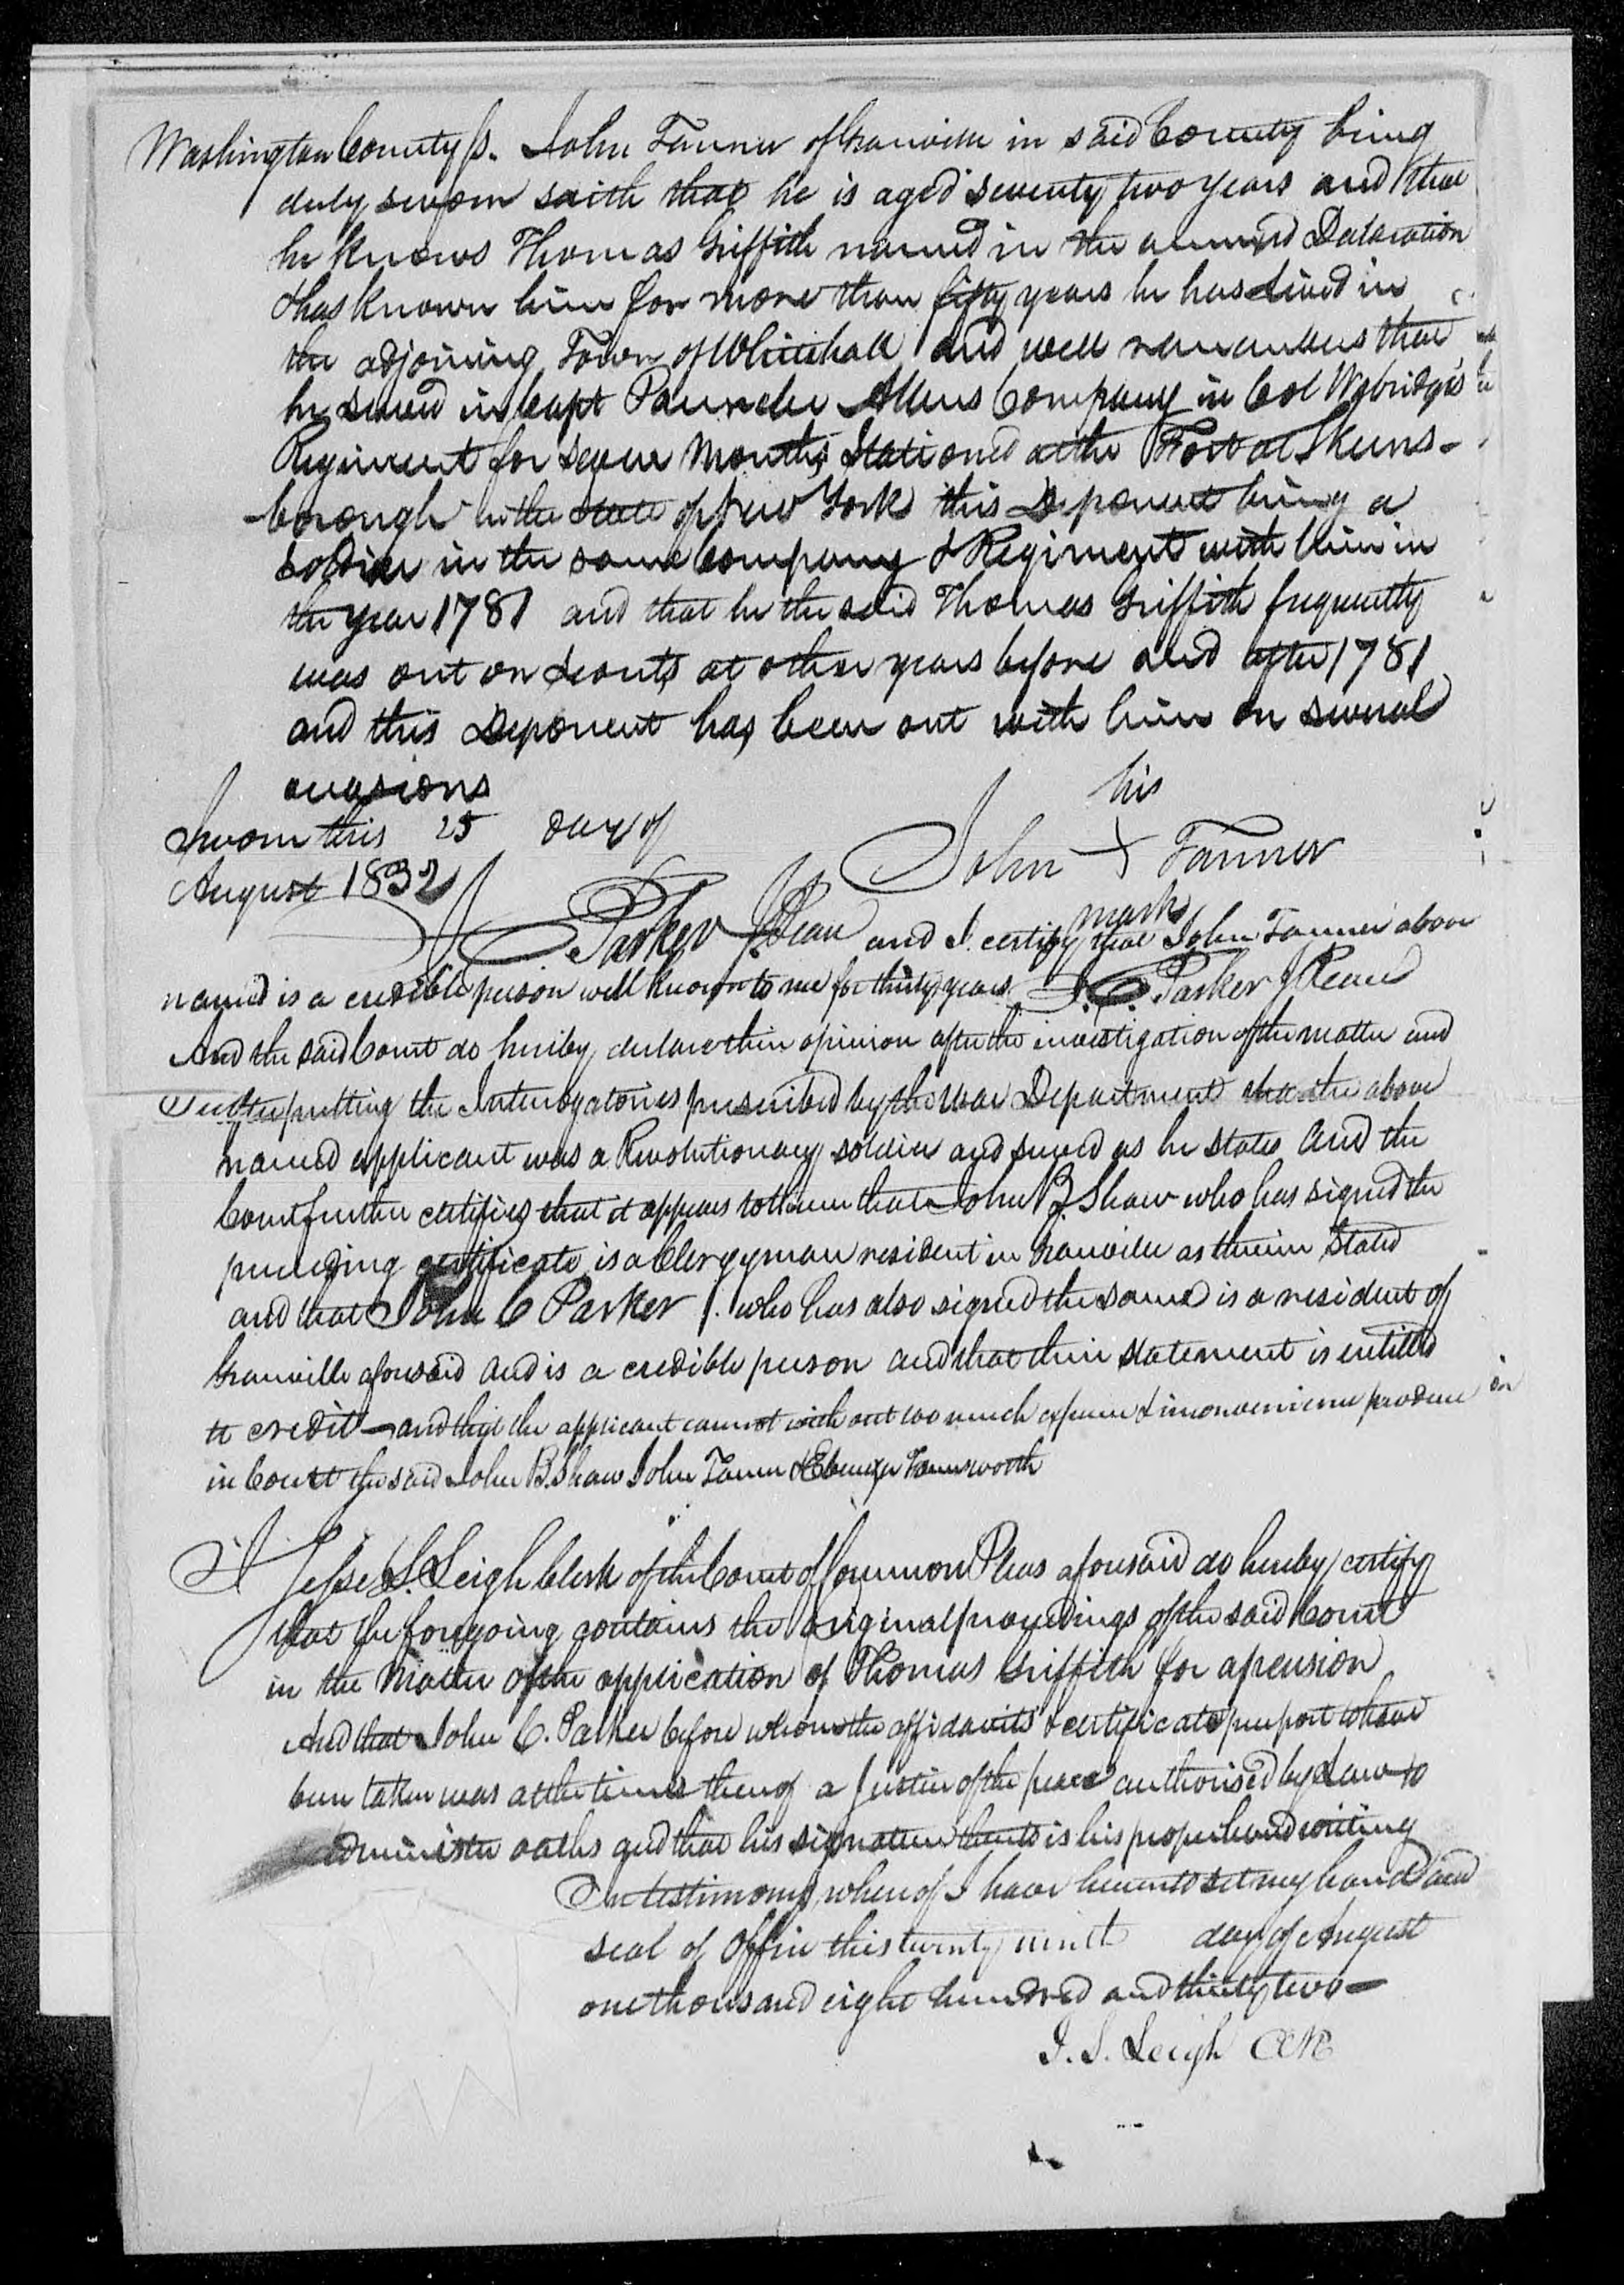Washington County ss. 
John Tanner of Granville in said County being duly sworn saith that he is aged seventy two years and that he knows Thomas Griffith named in the annexed Declaration & has known him for more than fifty years he has lived in the adjoining, Town of Whitehall and well remembers that he served in Capt Parmalee Allen's Company in Col Walbridge's Regiment for seven months stationed the Fort at Skeensborough in the State of New York this Deponent being a
soldier in the same company & Regiment with him in the year 1781 and that he the said Thomas Griffith frequently was out on scouts at other years before and after 1781 and this deponent has been out with him on several occasions
John X Tanner his mark [signature]

Sworn this 25 day of August 1832
J C Parker J Peace

and I certify that John Tanner above named is a credible person well known to me for thirty years 
J.C. Parker J of Peace

And the said Court do hereby declare their opinion after the investigation of the matter and
putting the Interrogatories prescribed by the war Department that the above named applicant was a Revolutionary soldier and served as he states, and the Court further certifies that it appears to them that John B. Shaw who has signed the preceding certificate is a Clergyman resident in Granville as therein Stated and that John C Parker who has also signed the same is a resident of Granville aforesaid and is a credible person and that their statement is entitled to credit-- and that the applicant cannot without too much expense & inconvenience produce in in Court the said John B. Shaw John Tanner & Ebenezer  Farnsworth

I Jesse S Leigh Clerk of the Court of Common Pleas aforesaid do hereby certify that he foregoing contains the original proceedings of the said County in the matter of the application of Thomas Griffith for a pension

And that John C. Parker before whom the affidavits & certificate purport to have been taken was at the time thereof a Justice of the peace authorized by law to administer oaths and that his signature thereto is his proper hand writing

In testimony whereof I have hereunto set my hand and seal of Office this twenty ninth day of August one thousand eight hundred and thirty two
J.S. Leigh Clk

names: John Tanner, J C Parker, Thomas Griffith, John C Parker, John Tamer, Jesse S Leigh, Thomas Griffith, Thomas Griffith, J C Parker, John B Shaw, J S Leigh, John Tanner, Ebenezer Farnsworth, John C Parker, John Tanner, John B Shaw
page: 10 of 14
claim: survivor's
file: S. 23663, Thomas Griffith, New York Vt.